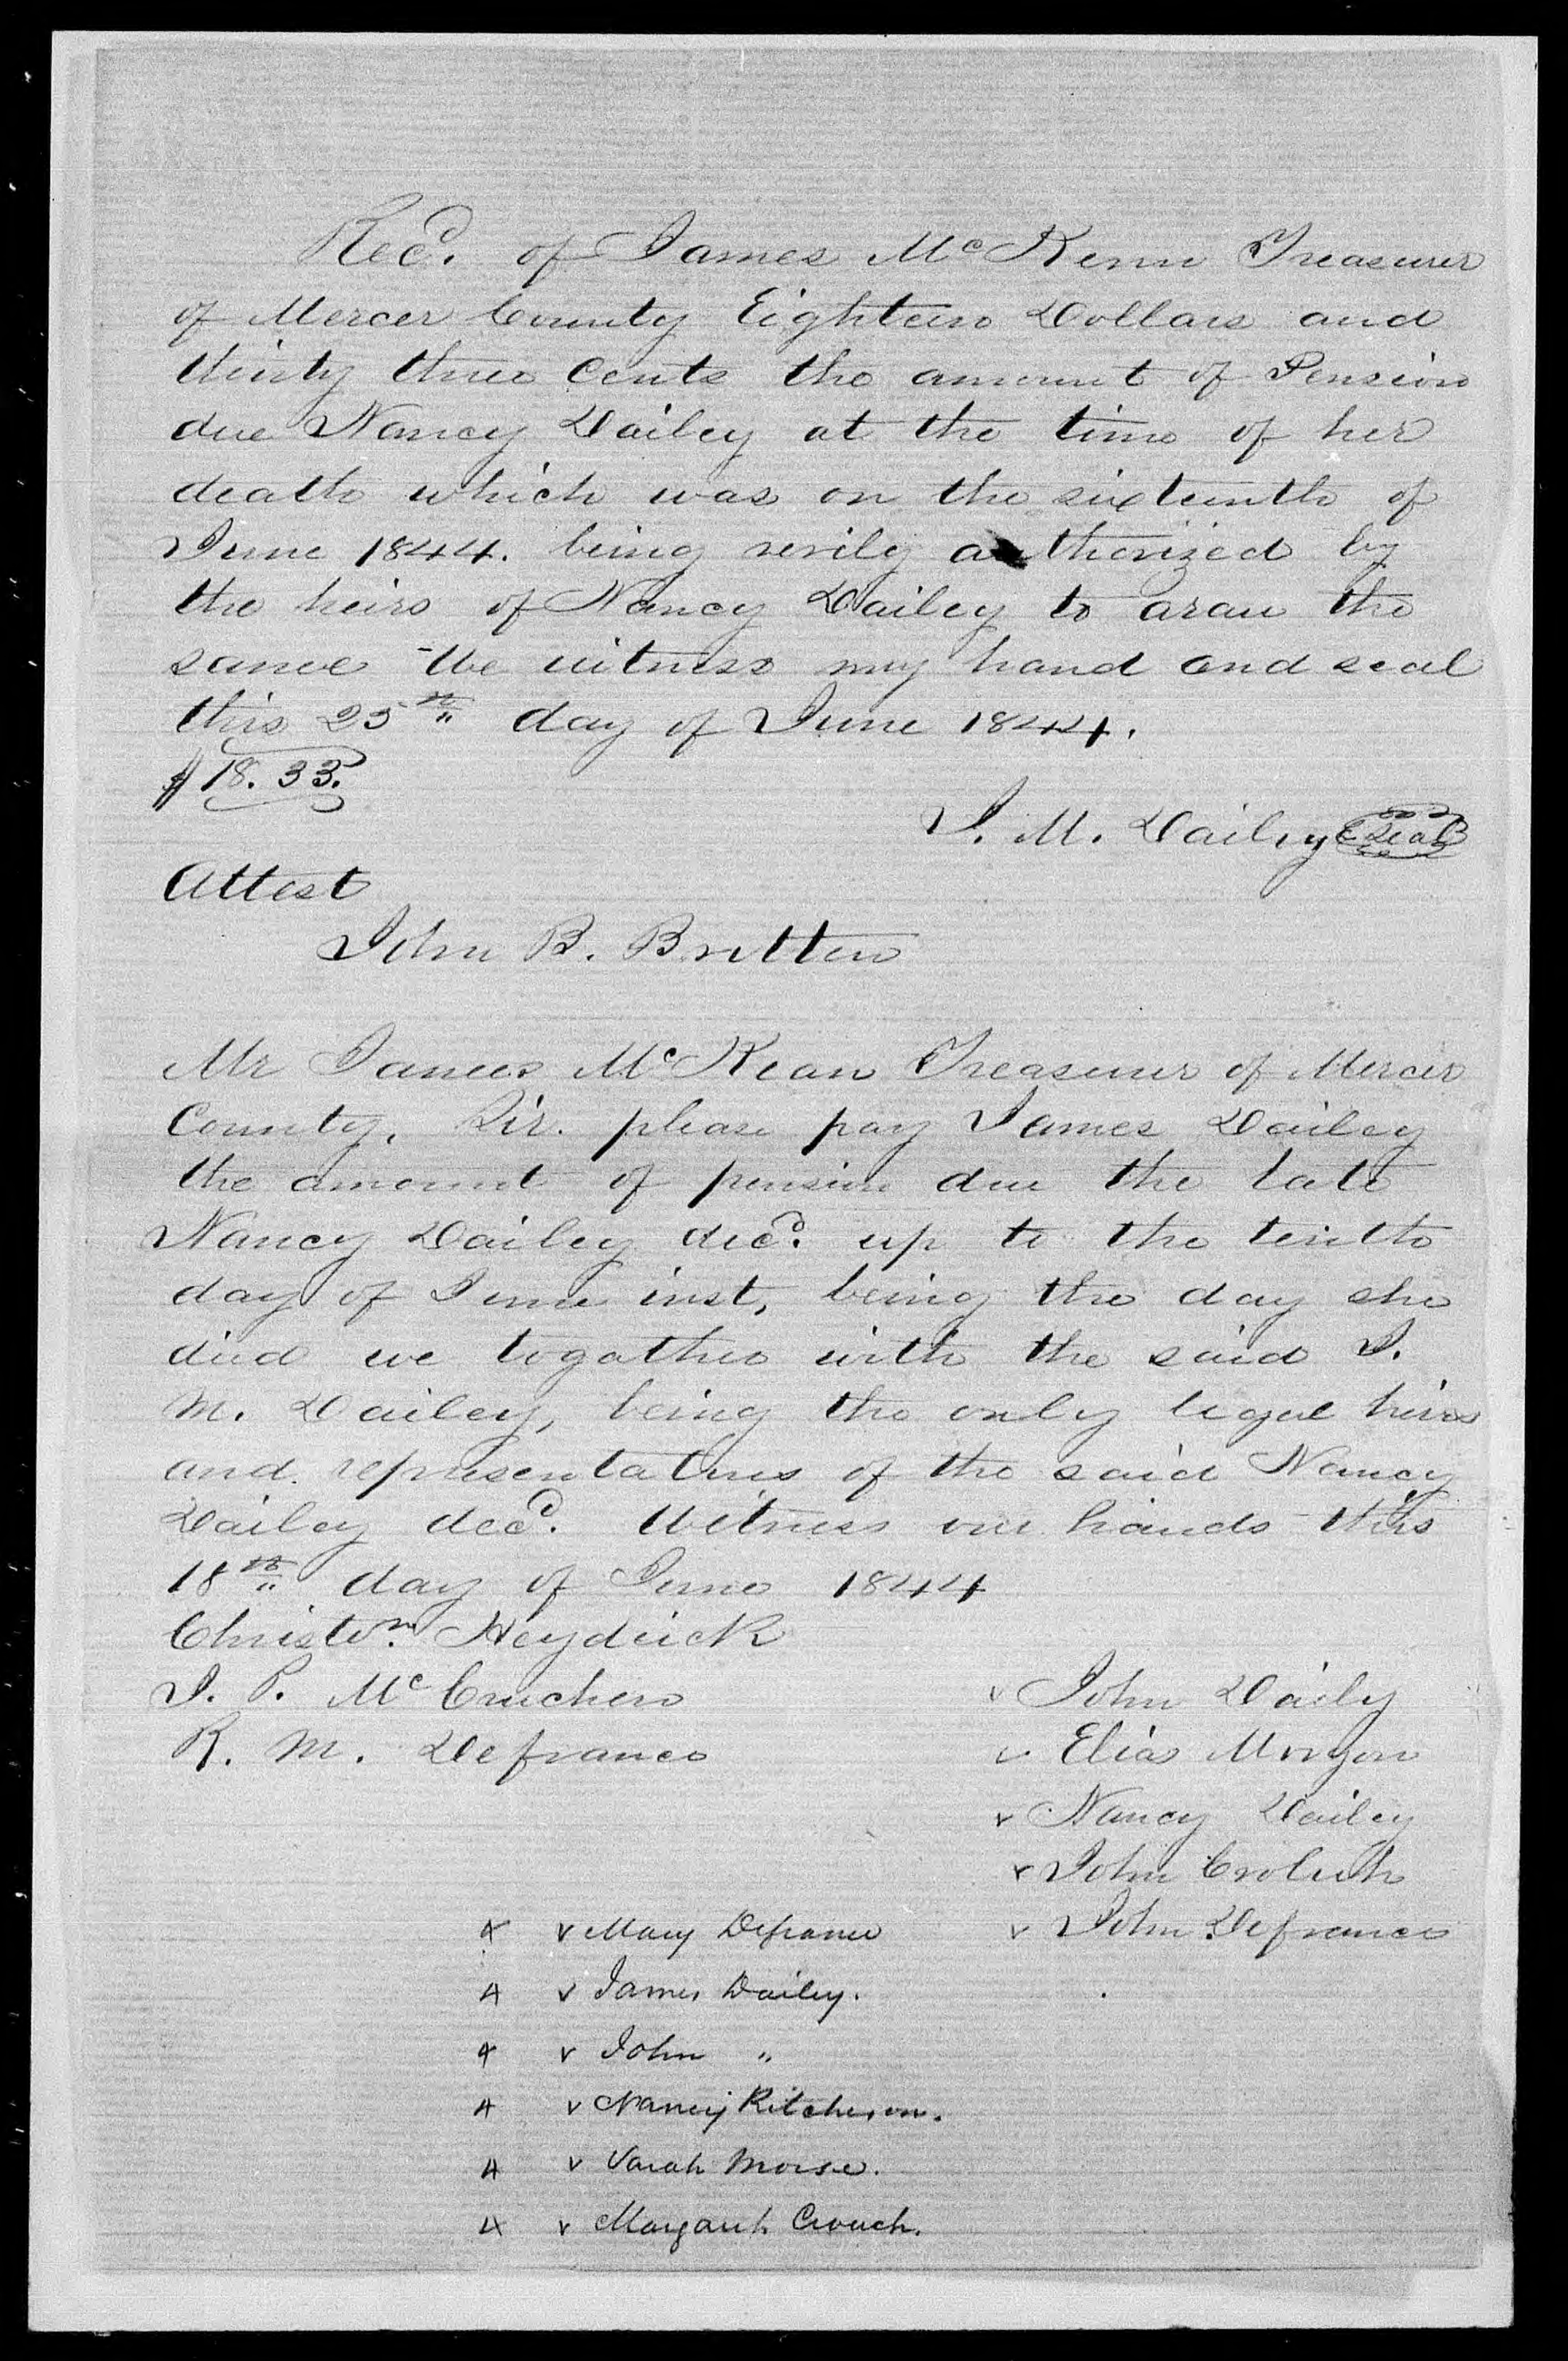Recd. of James McKenn Treasurer of Mercery County Eightein [Eighteen] Dollars and thirty three cents the amount of Pension due Nancy Dailey at the time of her death which was on the sixteenth of June 1844, being verily authorized by the heirs of Nancy Dailey to draw the same the witness my hand and seal this 23rd day of June 1844.
$18.33.
J. M. Dailey {seal}
Attest
John B. Britten

Mr James McKean Treasurer of Mercer County, Sir please pay James Dailey the amount of pension due the late Nancy Dailey decd. up to the tenth day of June inst, being the day she died we together with the said J. M. Dailey, being the only legal heirs and representatives of the said Nancy Dailey decd. witness our hands this 18th day of June 1844
Chrstin. Heydrick
J. P. McCrachen
R. M. Defranco

John Daily
Elias Morgan
Nancy Dailey
John Croluh
John Defranco

Mary Defranco
James Dailey
John"
Nancy Ritcheson
Sarah Morse
Margaret Crouch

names: Nancy Dailey, John, J M Dailey, Nancy Dailey, James Dailey, Nancy Dailey, Elias Morgon, John B Bretten, Sarah Morse, John Daily, Mary Defrance, Christine Heydrick, Nancy Dailey, James Mc Kean, R M Defrance, J P Mc Cruchen, James Mc Kenn, Nancy Dailey, Margaret Crouch, J M Dailey, John Defrance, James Dailey, John Croluh, Nancy Ritcheson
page: 50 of 63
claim: widow's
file: W. 3228, John Daly, Penn.